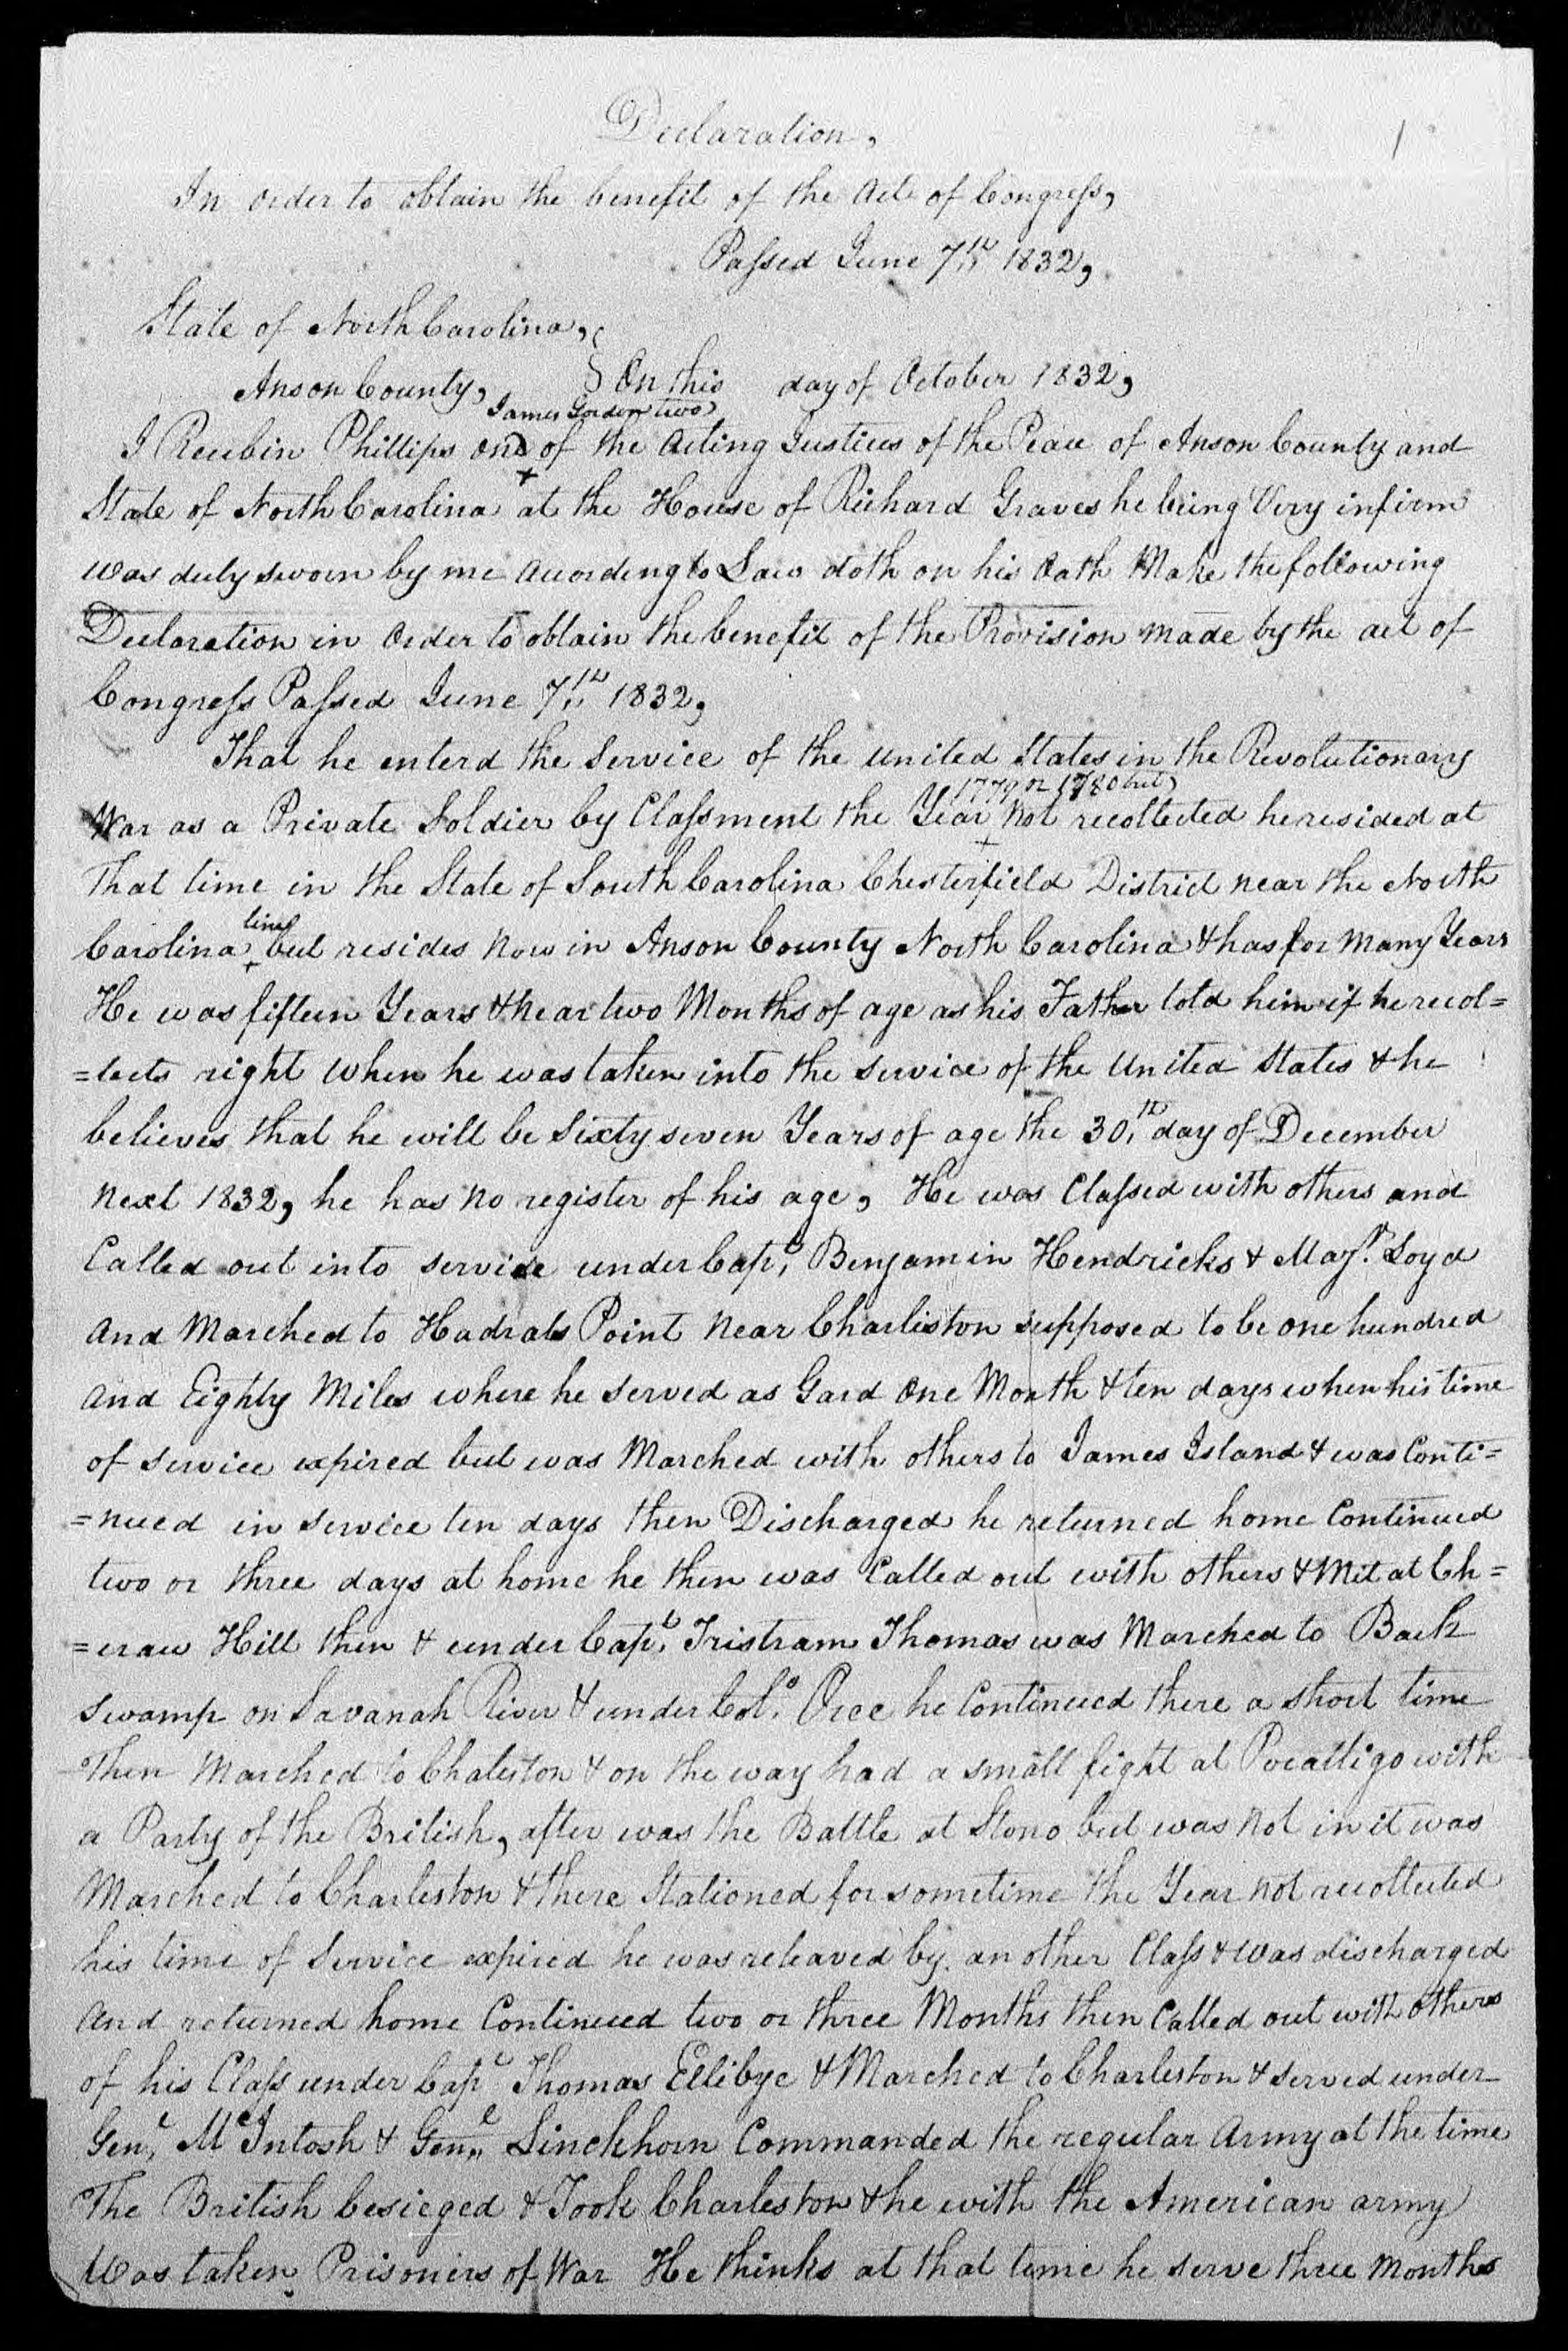1

Declaration,
In order to obtain the benefit of the Act of Congress,
Passed June 7th, 1832,

State of North Carolina, }
Anson County, }

On this  day of October 1832,
I Reubin Phillips and James Gordon[???] of the acting Justices of the Peace of Anson County and State of North Carolina at the House of Richard Graves he being very infirm
was duly sworn by me according to Law doth on his Oath Make the following
Declaration in Order to obtain the benefit of the Provision made by the act of
Congress Passed June 7th, 1832,

That he enterd the Service of the United States in the Revolutionary War as a Private Soldier by Classment the Year 1779 or 1780 but not recollected he resided at that time in the State of South Carolina Chesterfield District near the North Carolina line but resides now in Anson County North Carolina & has for many years
He was fifteen Years & near two Months of age as his Father told him if he recollects right when he was taken into the service of the United States & he believes that he will be Sixty seven Years of age the 30th day of December next 1832, he has no register of his age, He was classed with others and
Called out into service under Capt. Benjamin Hendricks & Majr. Loyd and Marched to Hadracks Point near Charleston supposed to be one hundred and Eighty Miles where he served as Gard one Month & ten days when his time of service expired but was Marched with others to James Island & was Continued in service ten days then was called out with others & Mit at Cheraw Hill then & under Capt. Tristan Thomas was Marched to Back
Swamp on Savannah River & under Colo. Oree he continued there a short time
then marched to Chaleston & on the way had a small fight at Pocalligo with a Party of the British, after was the Battle at Stono but was not in it was marched to Charleston & there Stationed for sometime the Year not recollected his time of service expired he was releaved by another Class & was discharged
and returned home Continued two or three Months then called out with others
of his Class under Capt. Thomas Ellibye & Marched to Charleston & served under
Genl. McIntosh & Genl. Sinckhorn Commanded the regular Army at the time
The British besieged & Took Charleston & he with the American army was taken Prisoner of War  He thinks at that time he serve three months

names: Mc Intosh, Reuben Phillips, Benjamin Hendricks, Thomas Ellibye, Tristram Thomas, Richard Graves, Oree, Linckhorn, Loyd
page: 3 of 15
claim: survivor's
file: S. 8598, Richard Graves, S.C.